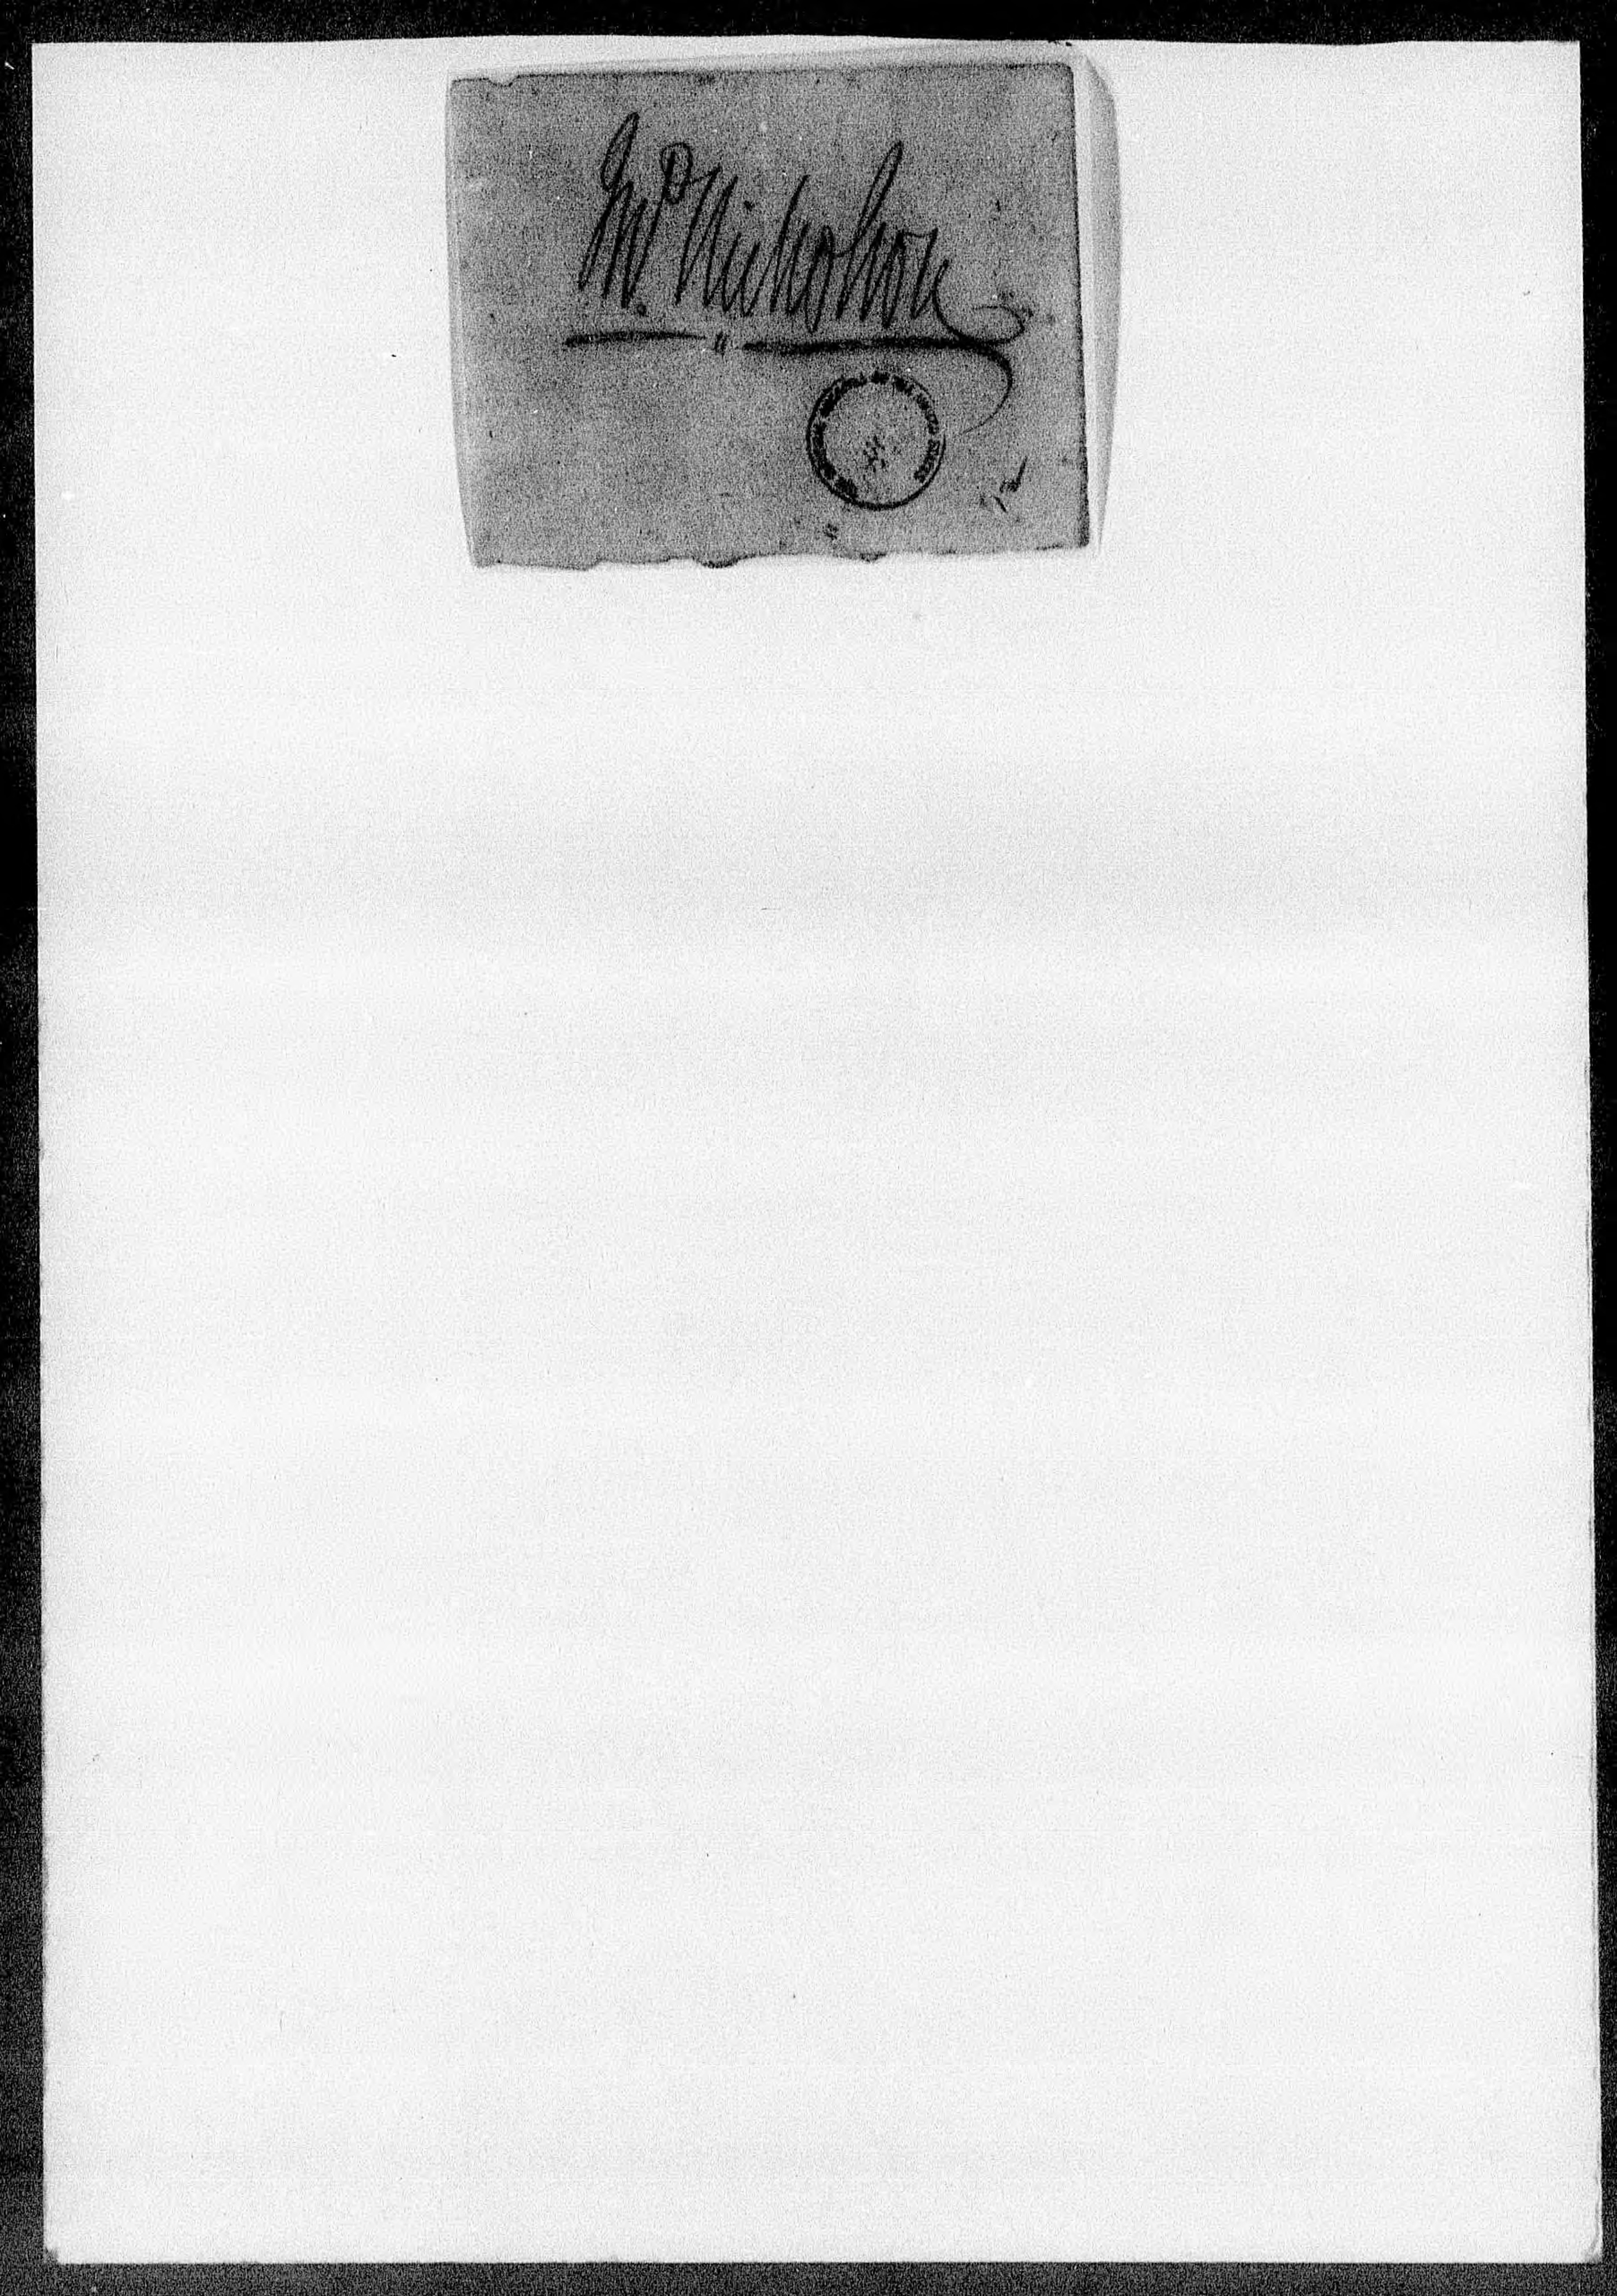Jno. Nicholson
_____________
[Circular stamp: 
THE NATIONAL ARCHIVES OF THE UNITED STATES]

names: Jno Nicholson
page: 31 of 59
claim: widow's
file: W. 9383, Nathaniel Chew, Navy (Md.)